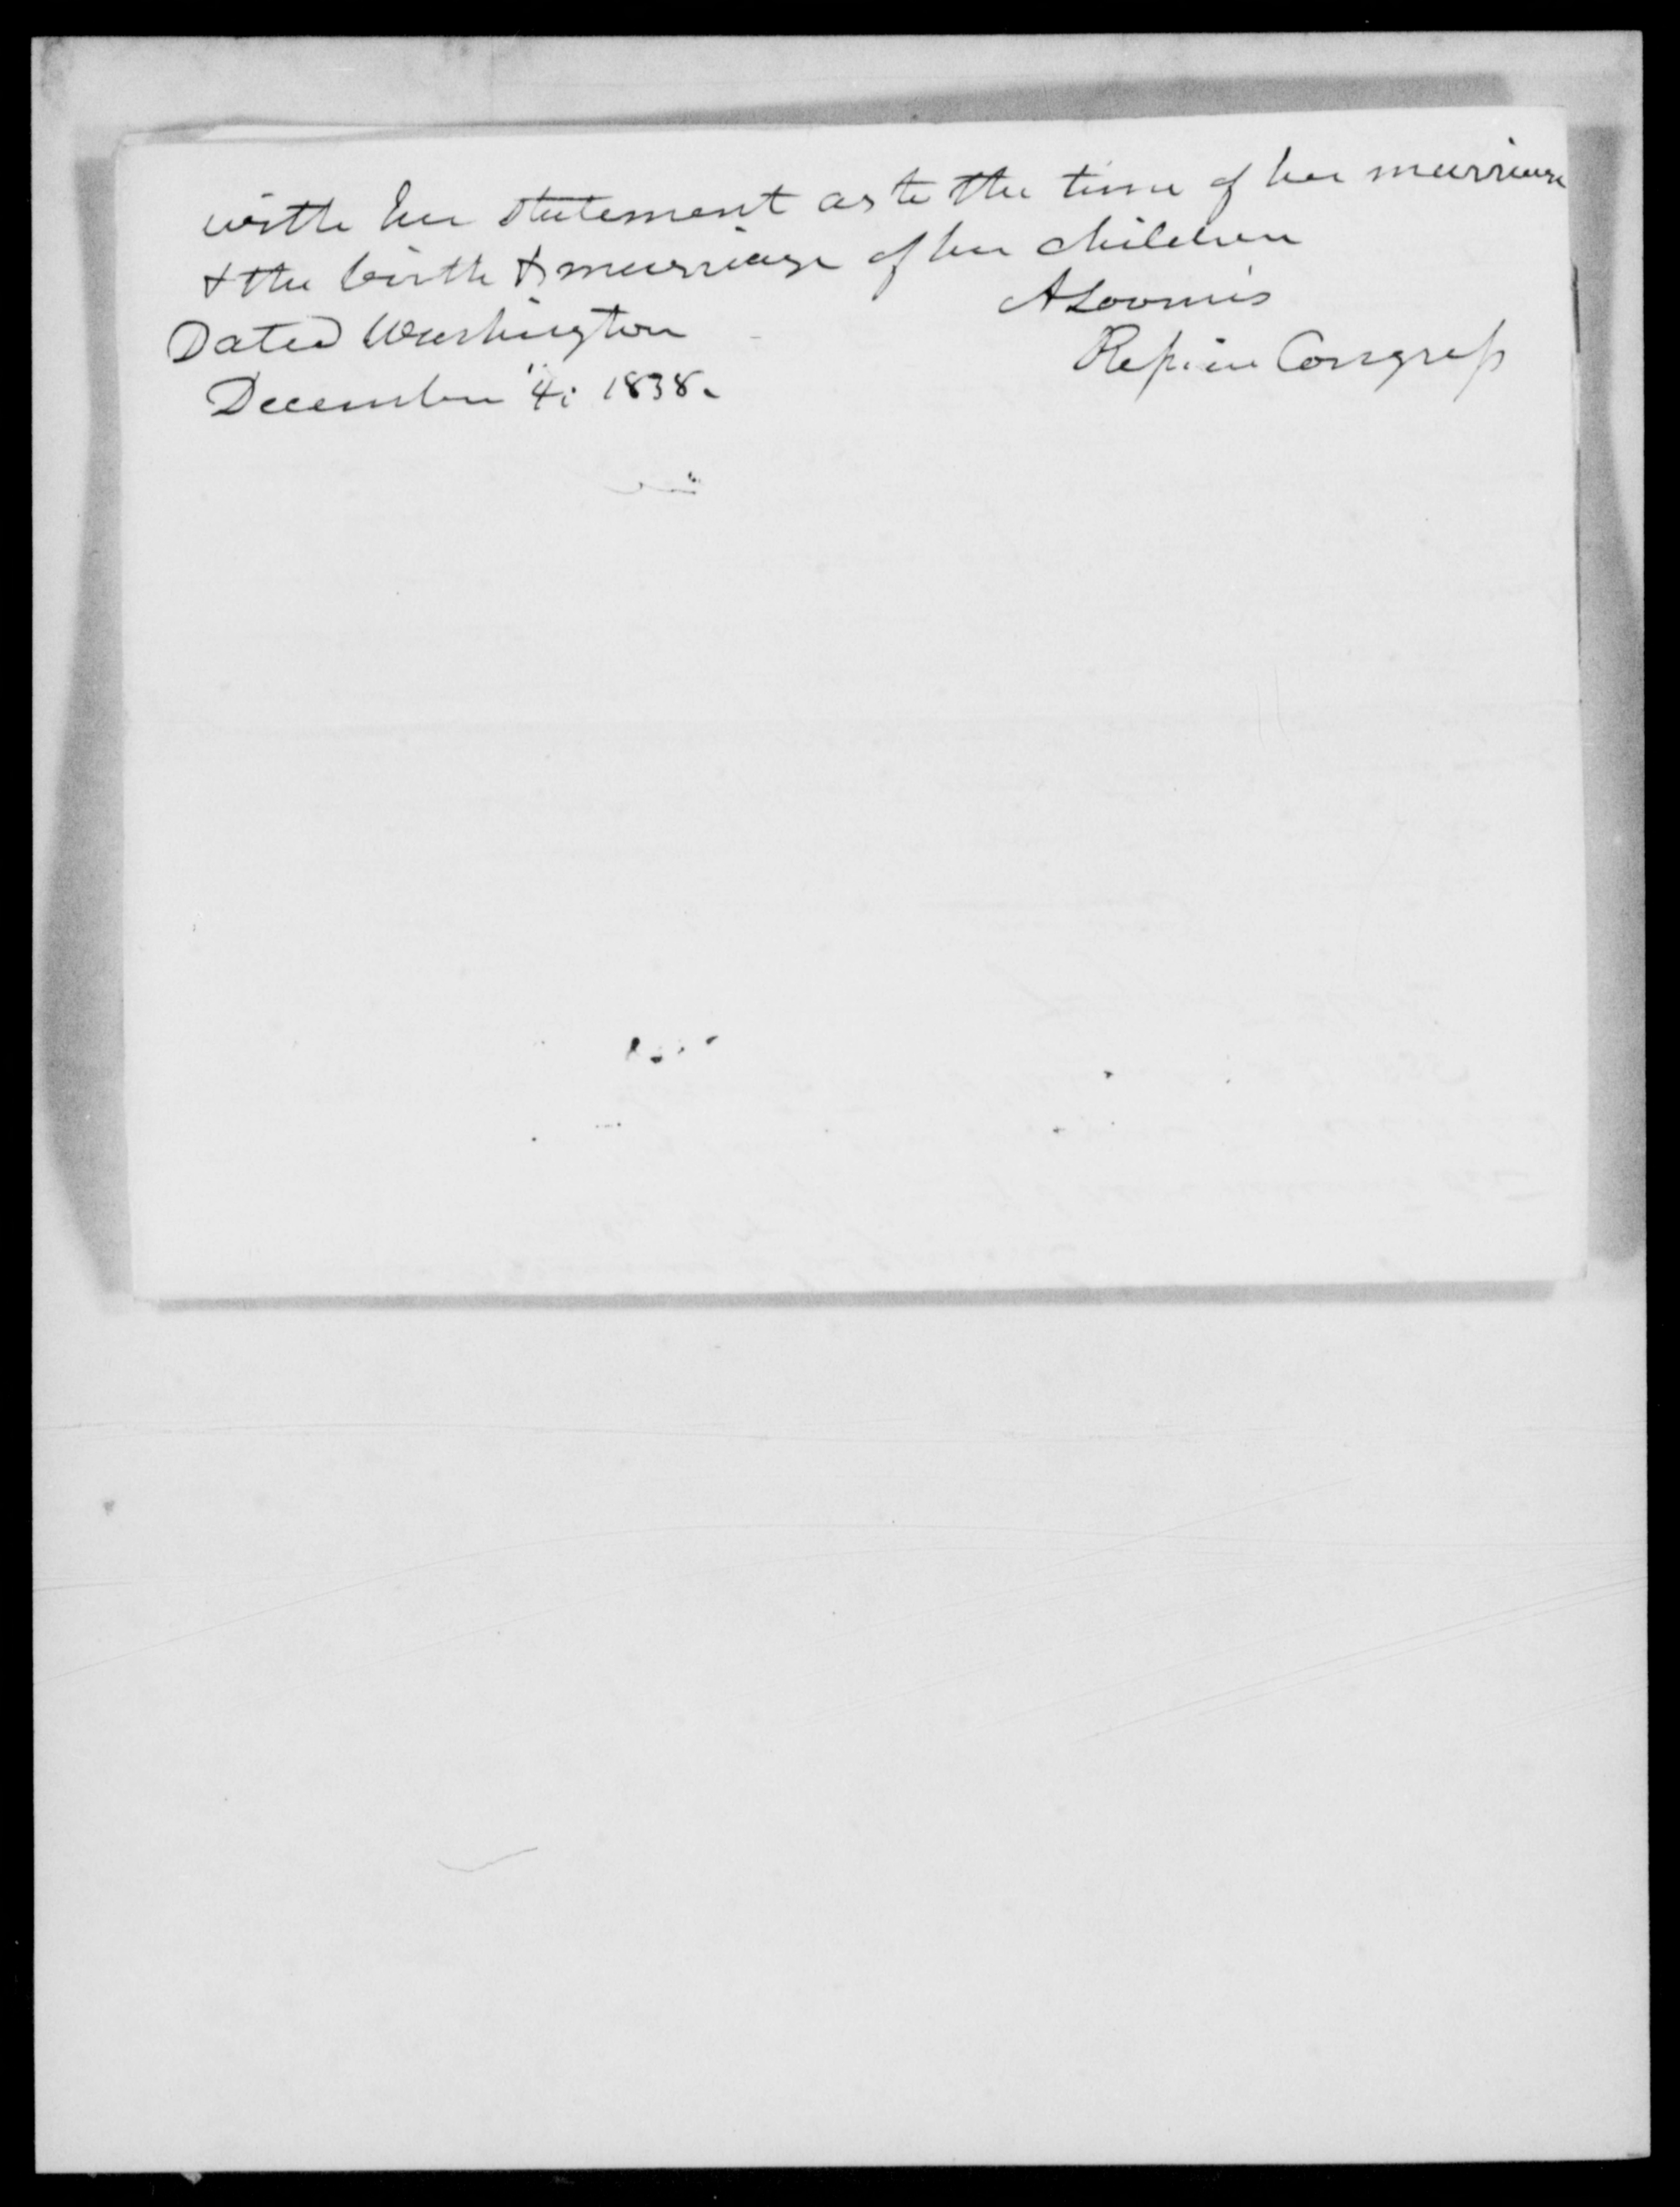with her statement as to the time of her marriage & the birth & marriage of her children.
Dated Washington            A Loomis
December 4, 1838             Rep in Congress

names: A Loomis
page: 15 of 50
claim: widow's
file: W. 15814, Glading Waterman, Conn. Conn. Sea Service Continental